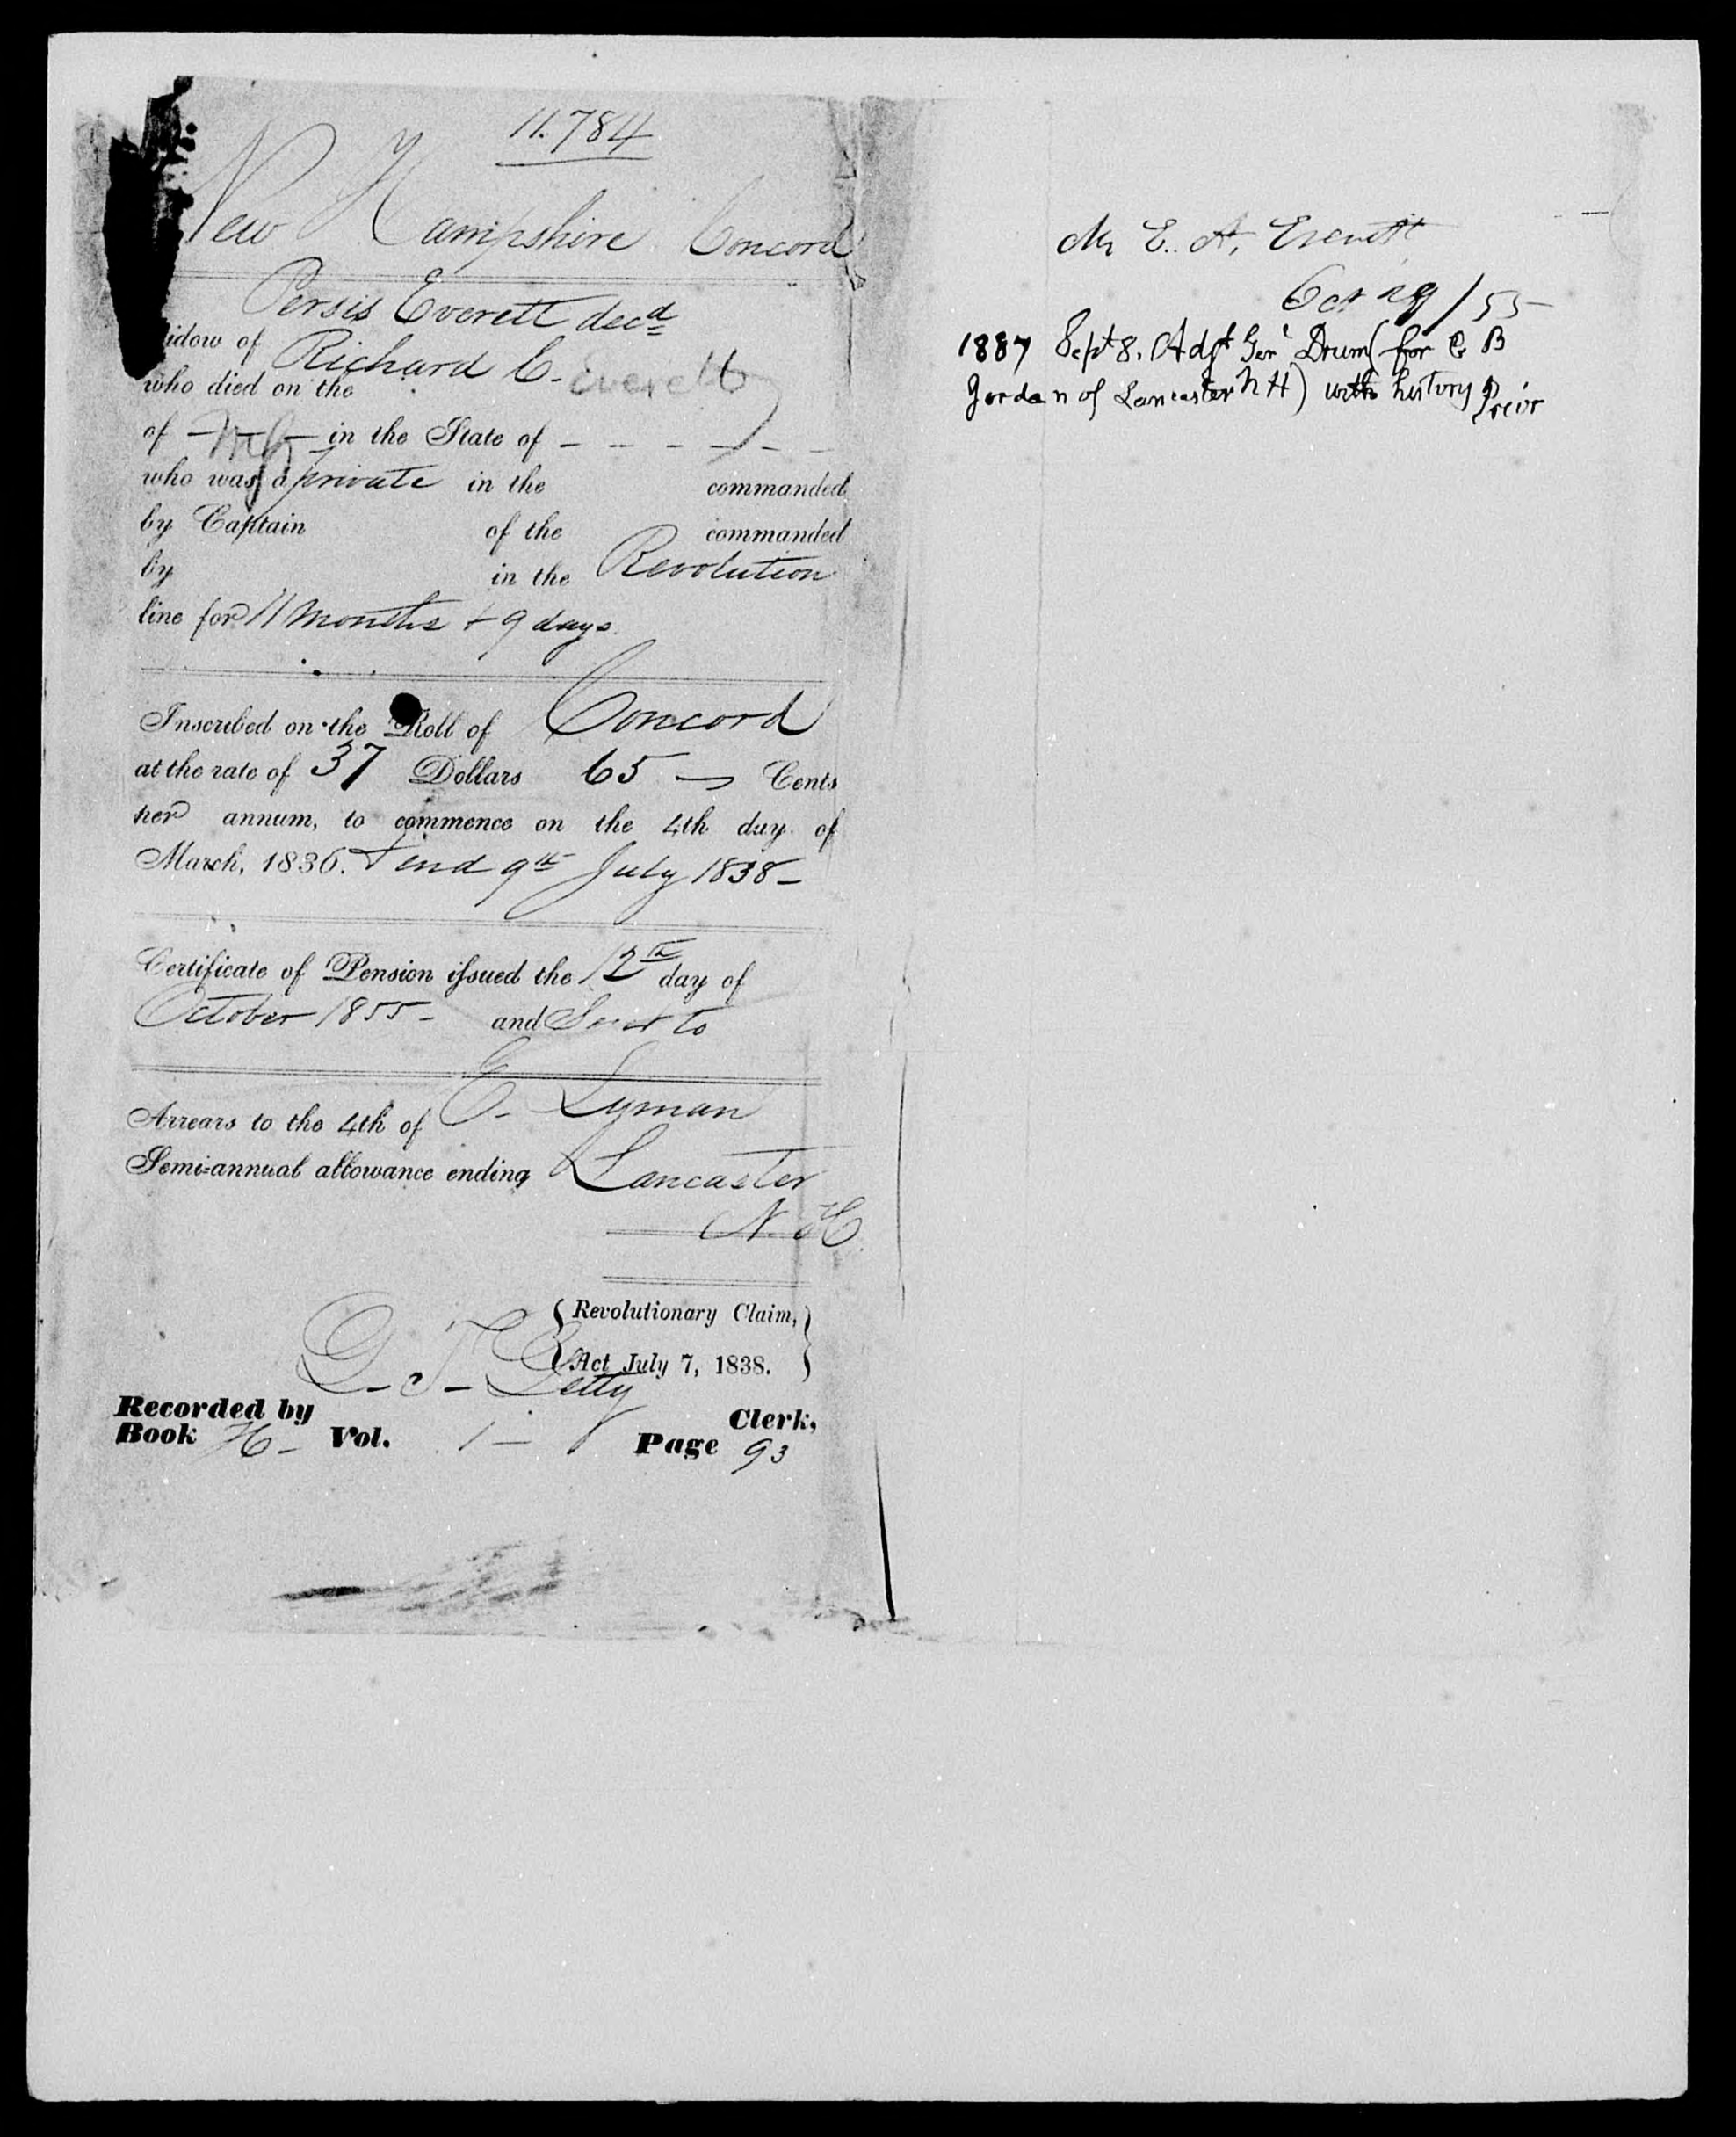11.784
New Hampshire Concord

Persis Everett decd
Widow of Richard C Everett
who died on the [blank] of [blank] 
in the State of Mass
who was a private in the [blank] commanded by Captain [blank] of the [blank] commanded by [blank] in the Revolution 
line for 11months & 9 days

Inscribed on the Roll of Concord
at the rate of 37 Dollars 65 Cents
per annum, to commence of the 4th day of
March 1836 & end 9th July 1838.
---
Certificate of Pension issued the 12th day of
October 1855 and sent to
E. Lyman
Lancaster N.H.

Arrears to the 4th of [blank]
semi-annual allowance ending [blank]

{Revolutionary Claim
Act July 7, 1838.}

Recorded by G T Getty Clerk,
Book H  Vol. 1   Page 93

[right side]
Mr. E. A. Everett
Oct 29/ 55
1887 Sept 8, Adgt. Gen' Drum (for G B Gordan of Lancaster NH) with history Pre'vr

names: G T Getty, E A Everett, Prior, E Lyman, Drum, G B Jordan, Persis Everett, Richard C Everett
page: 2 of 59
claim: widow's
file: W. 23017, Richard Clair Everett, Mass.